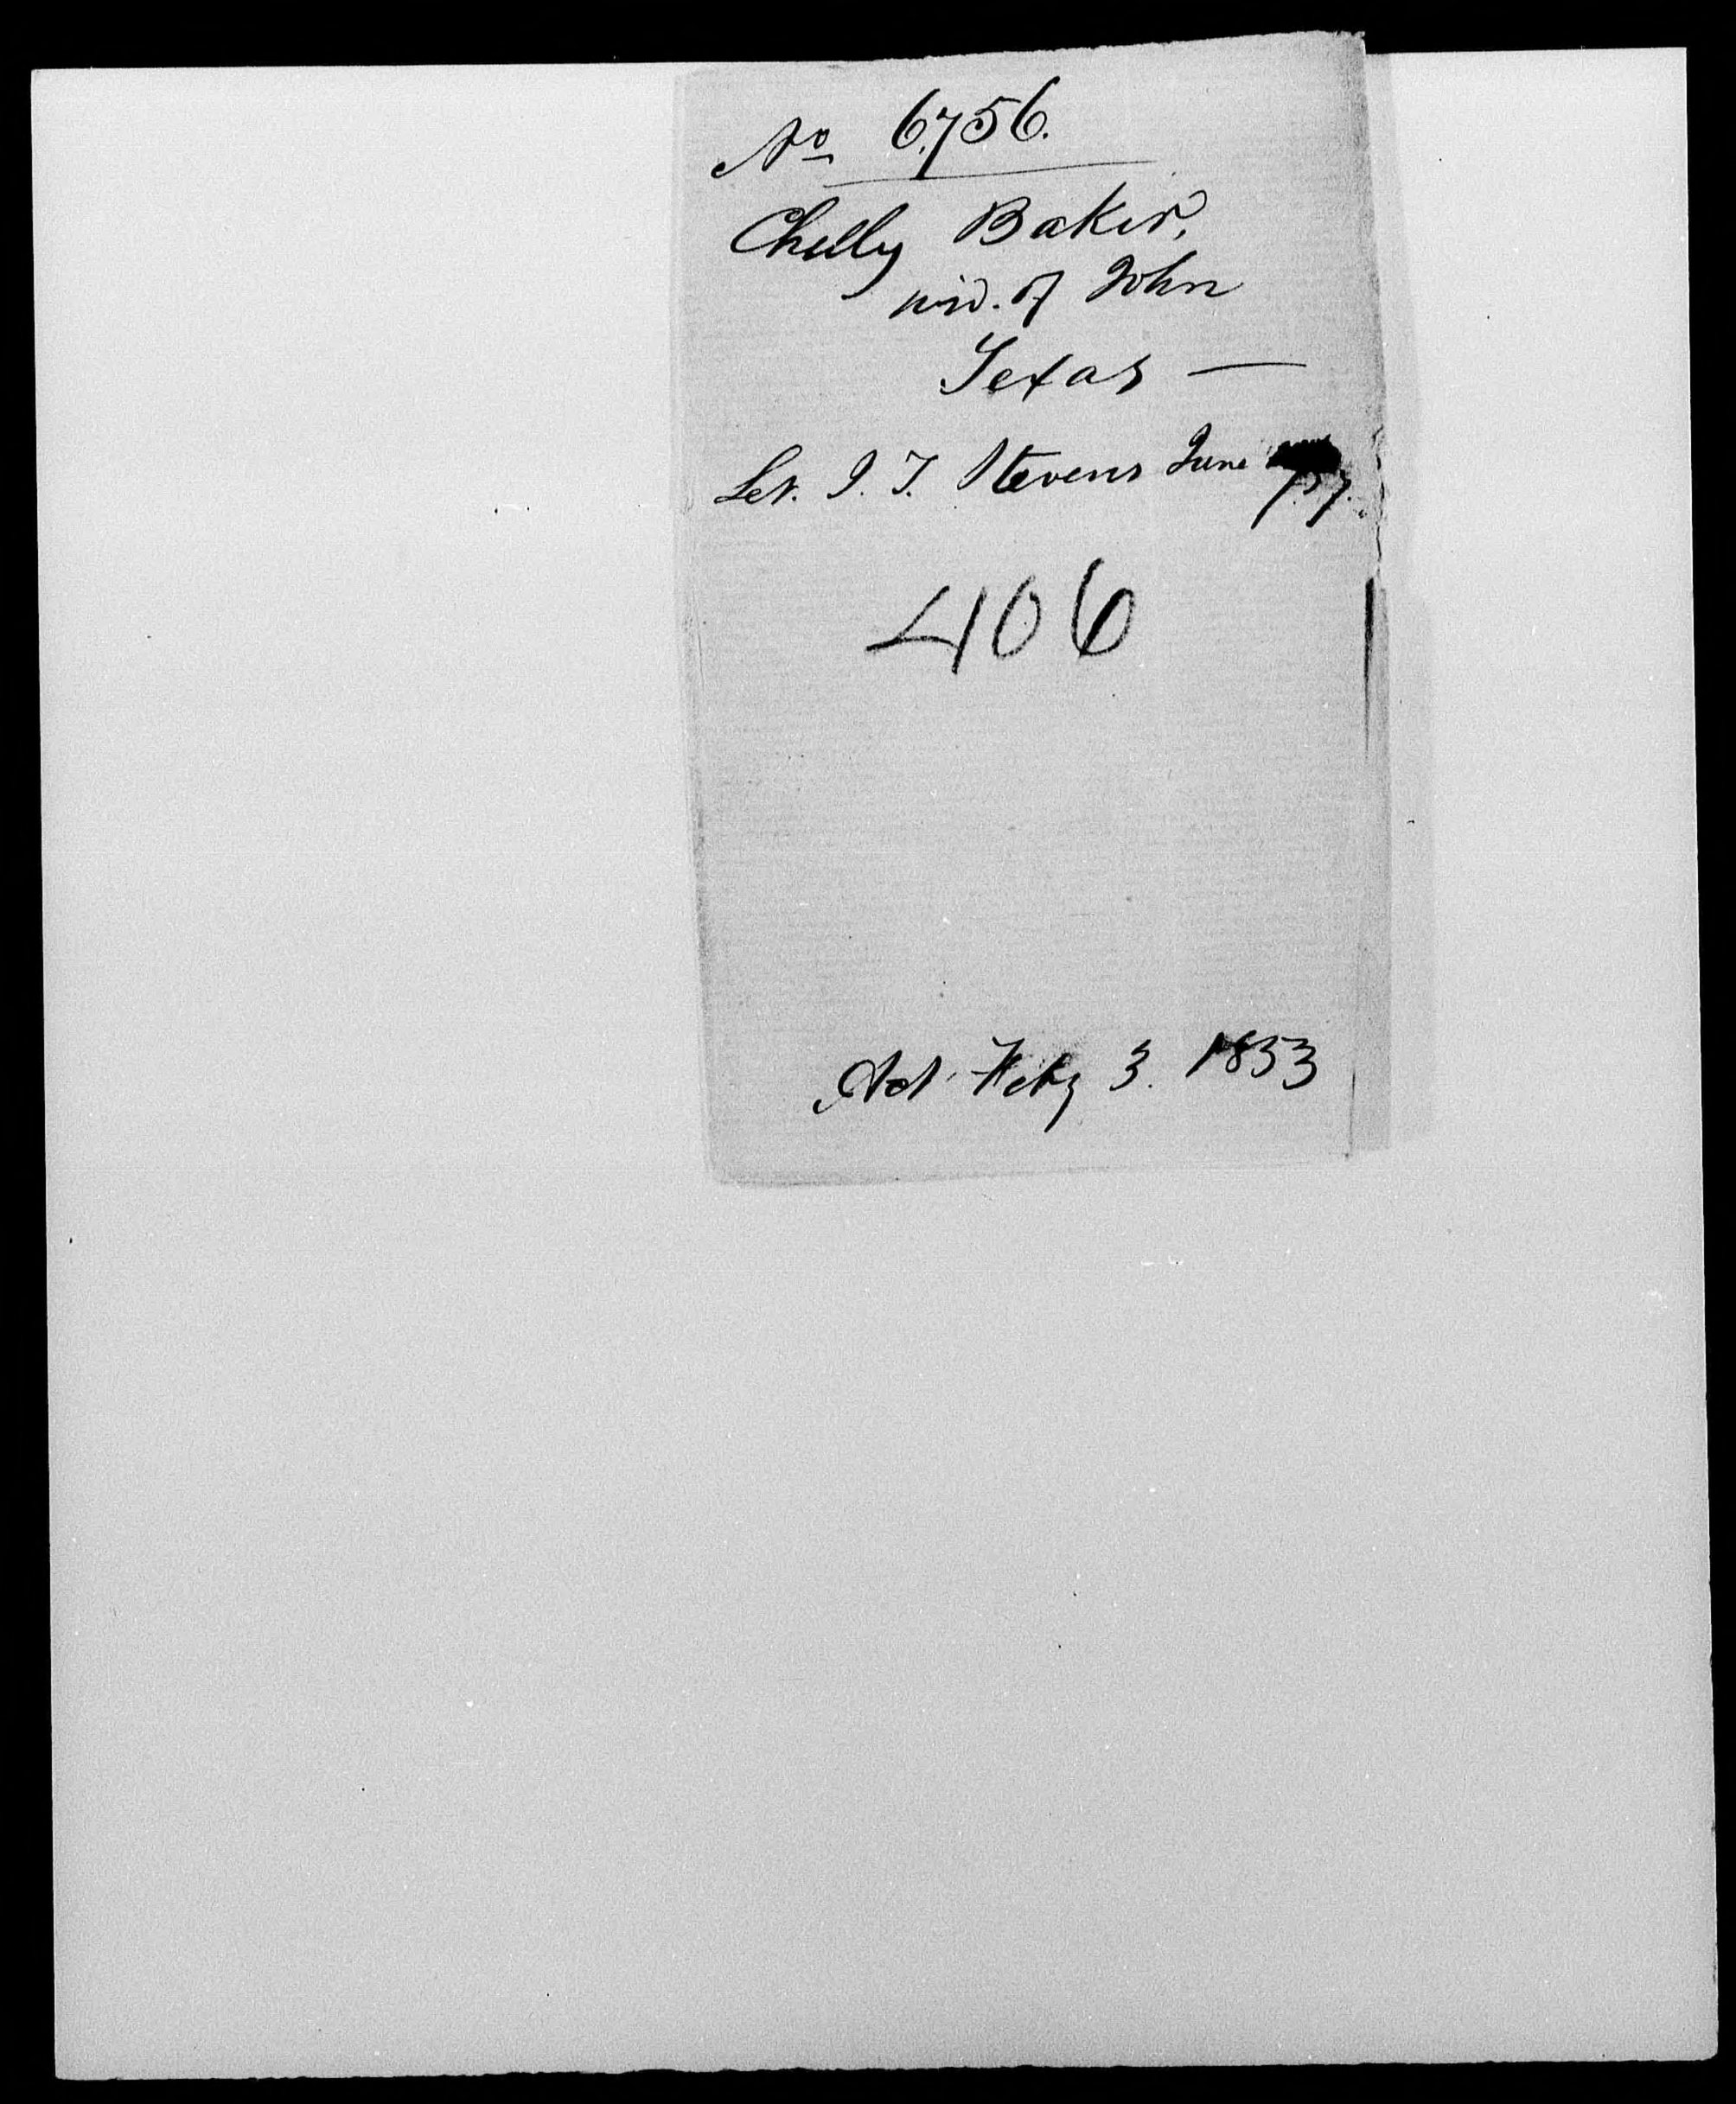No. 6.756
Chelly Baker
wid. of John
Texas
Let. J. R. Stevens June 3/59
406
Act Feby 3 1833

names: John Baker, Chelly Baker, J T Stevens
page: 16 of 27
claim: rejected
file: R. 406, John Baker, S.C.